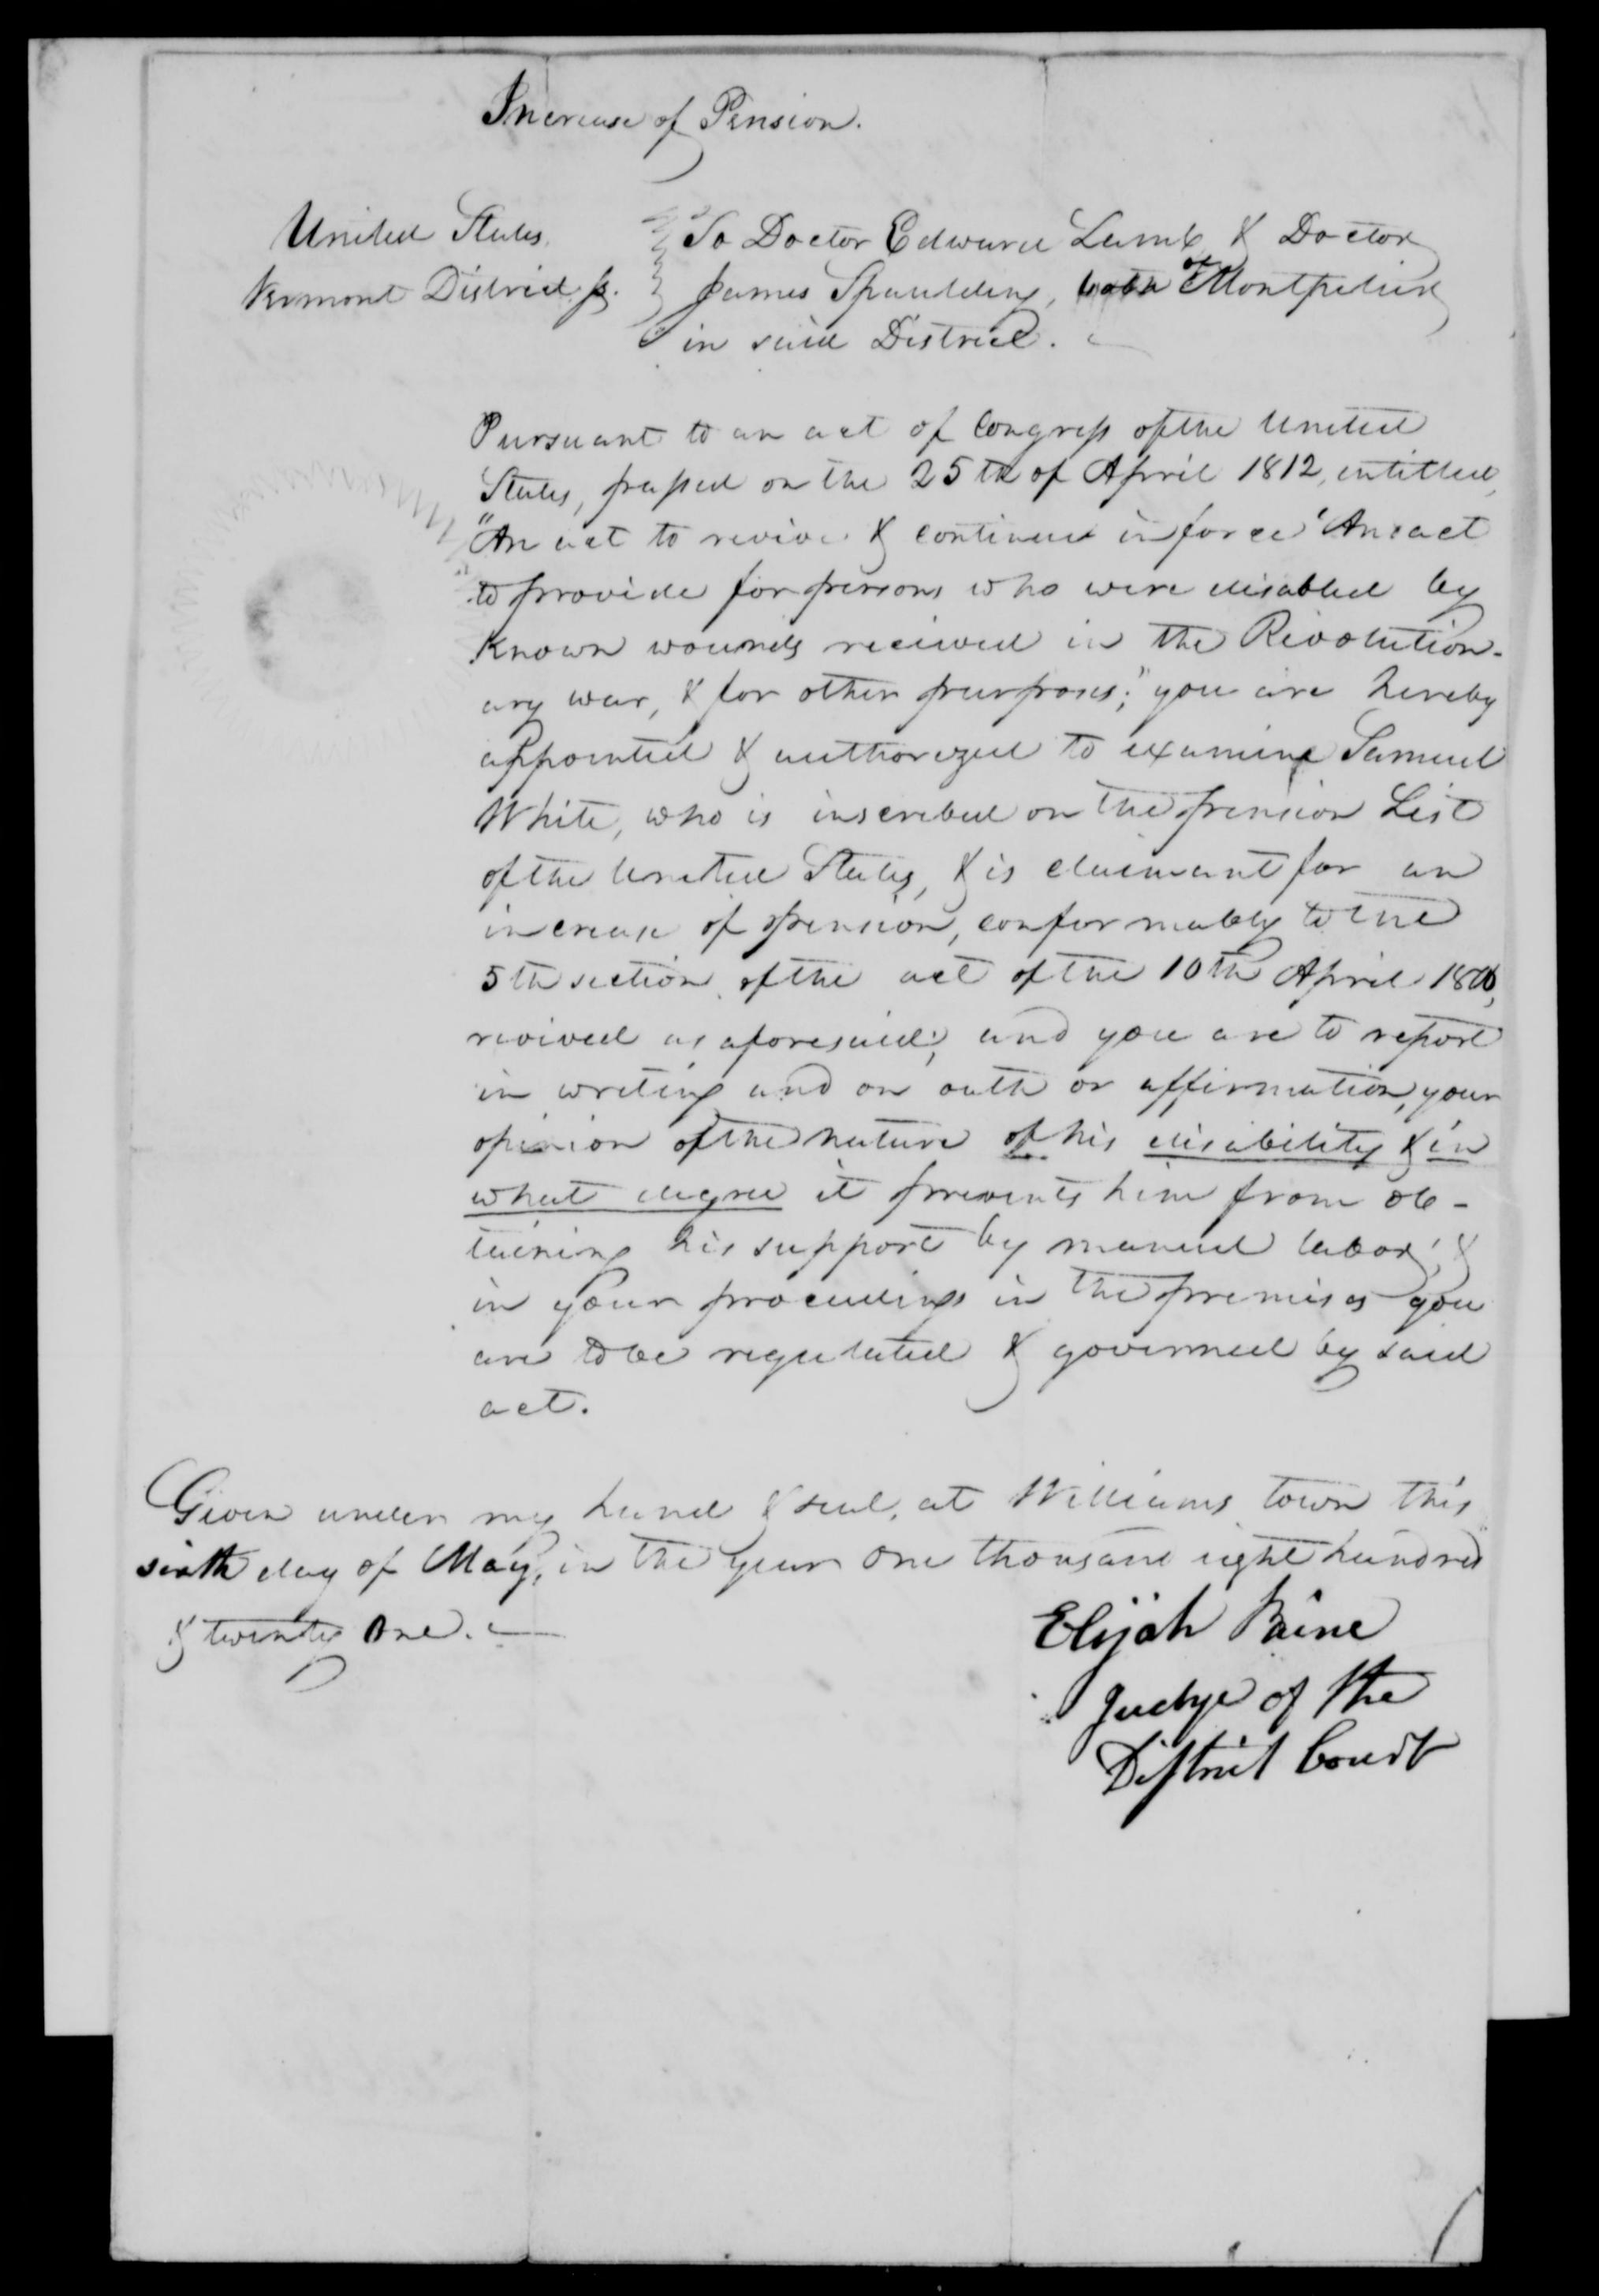Increase of Pension

United States
Vermont District SS
To Doctor Edward Lamb & Doctor James Spaulding both of Montpelier in said District.

Pursuant to an act of Congress of the United States passes on the 25th of April 1812 entitled " An act to revive & continue in force and act to provide for person who were disabled by known wounds received in the Revolutionary war" & for other purposes you are hereby appointed & authorized to examine Samuel White who is inscribed on the pension list of the United States & is claimant for an increase of pension conformably to the 5th section of the act of the 10th April 1808, revived as aforesaid; and you are to report in writing and on oath or affirmation your opinion of the nature of his disability & in what degree it prevents him from obtaining his support by manual labor & in your proceedings in the premises you are to be regulated & governed by said act. 
Given under my hand & seal at Williamstown this sixth day of May in the year one thousand eight hundred & twenty one.
E,lijah Paine
Judge of the District Court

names: James Spaulding, Elijah Paine, Samuel White, Edward Lamb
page: 68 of 79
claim: survivor's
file: S. 11759, Samuel White, Mass.